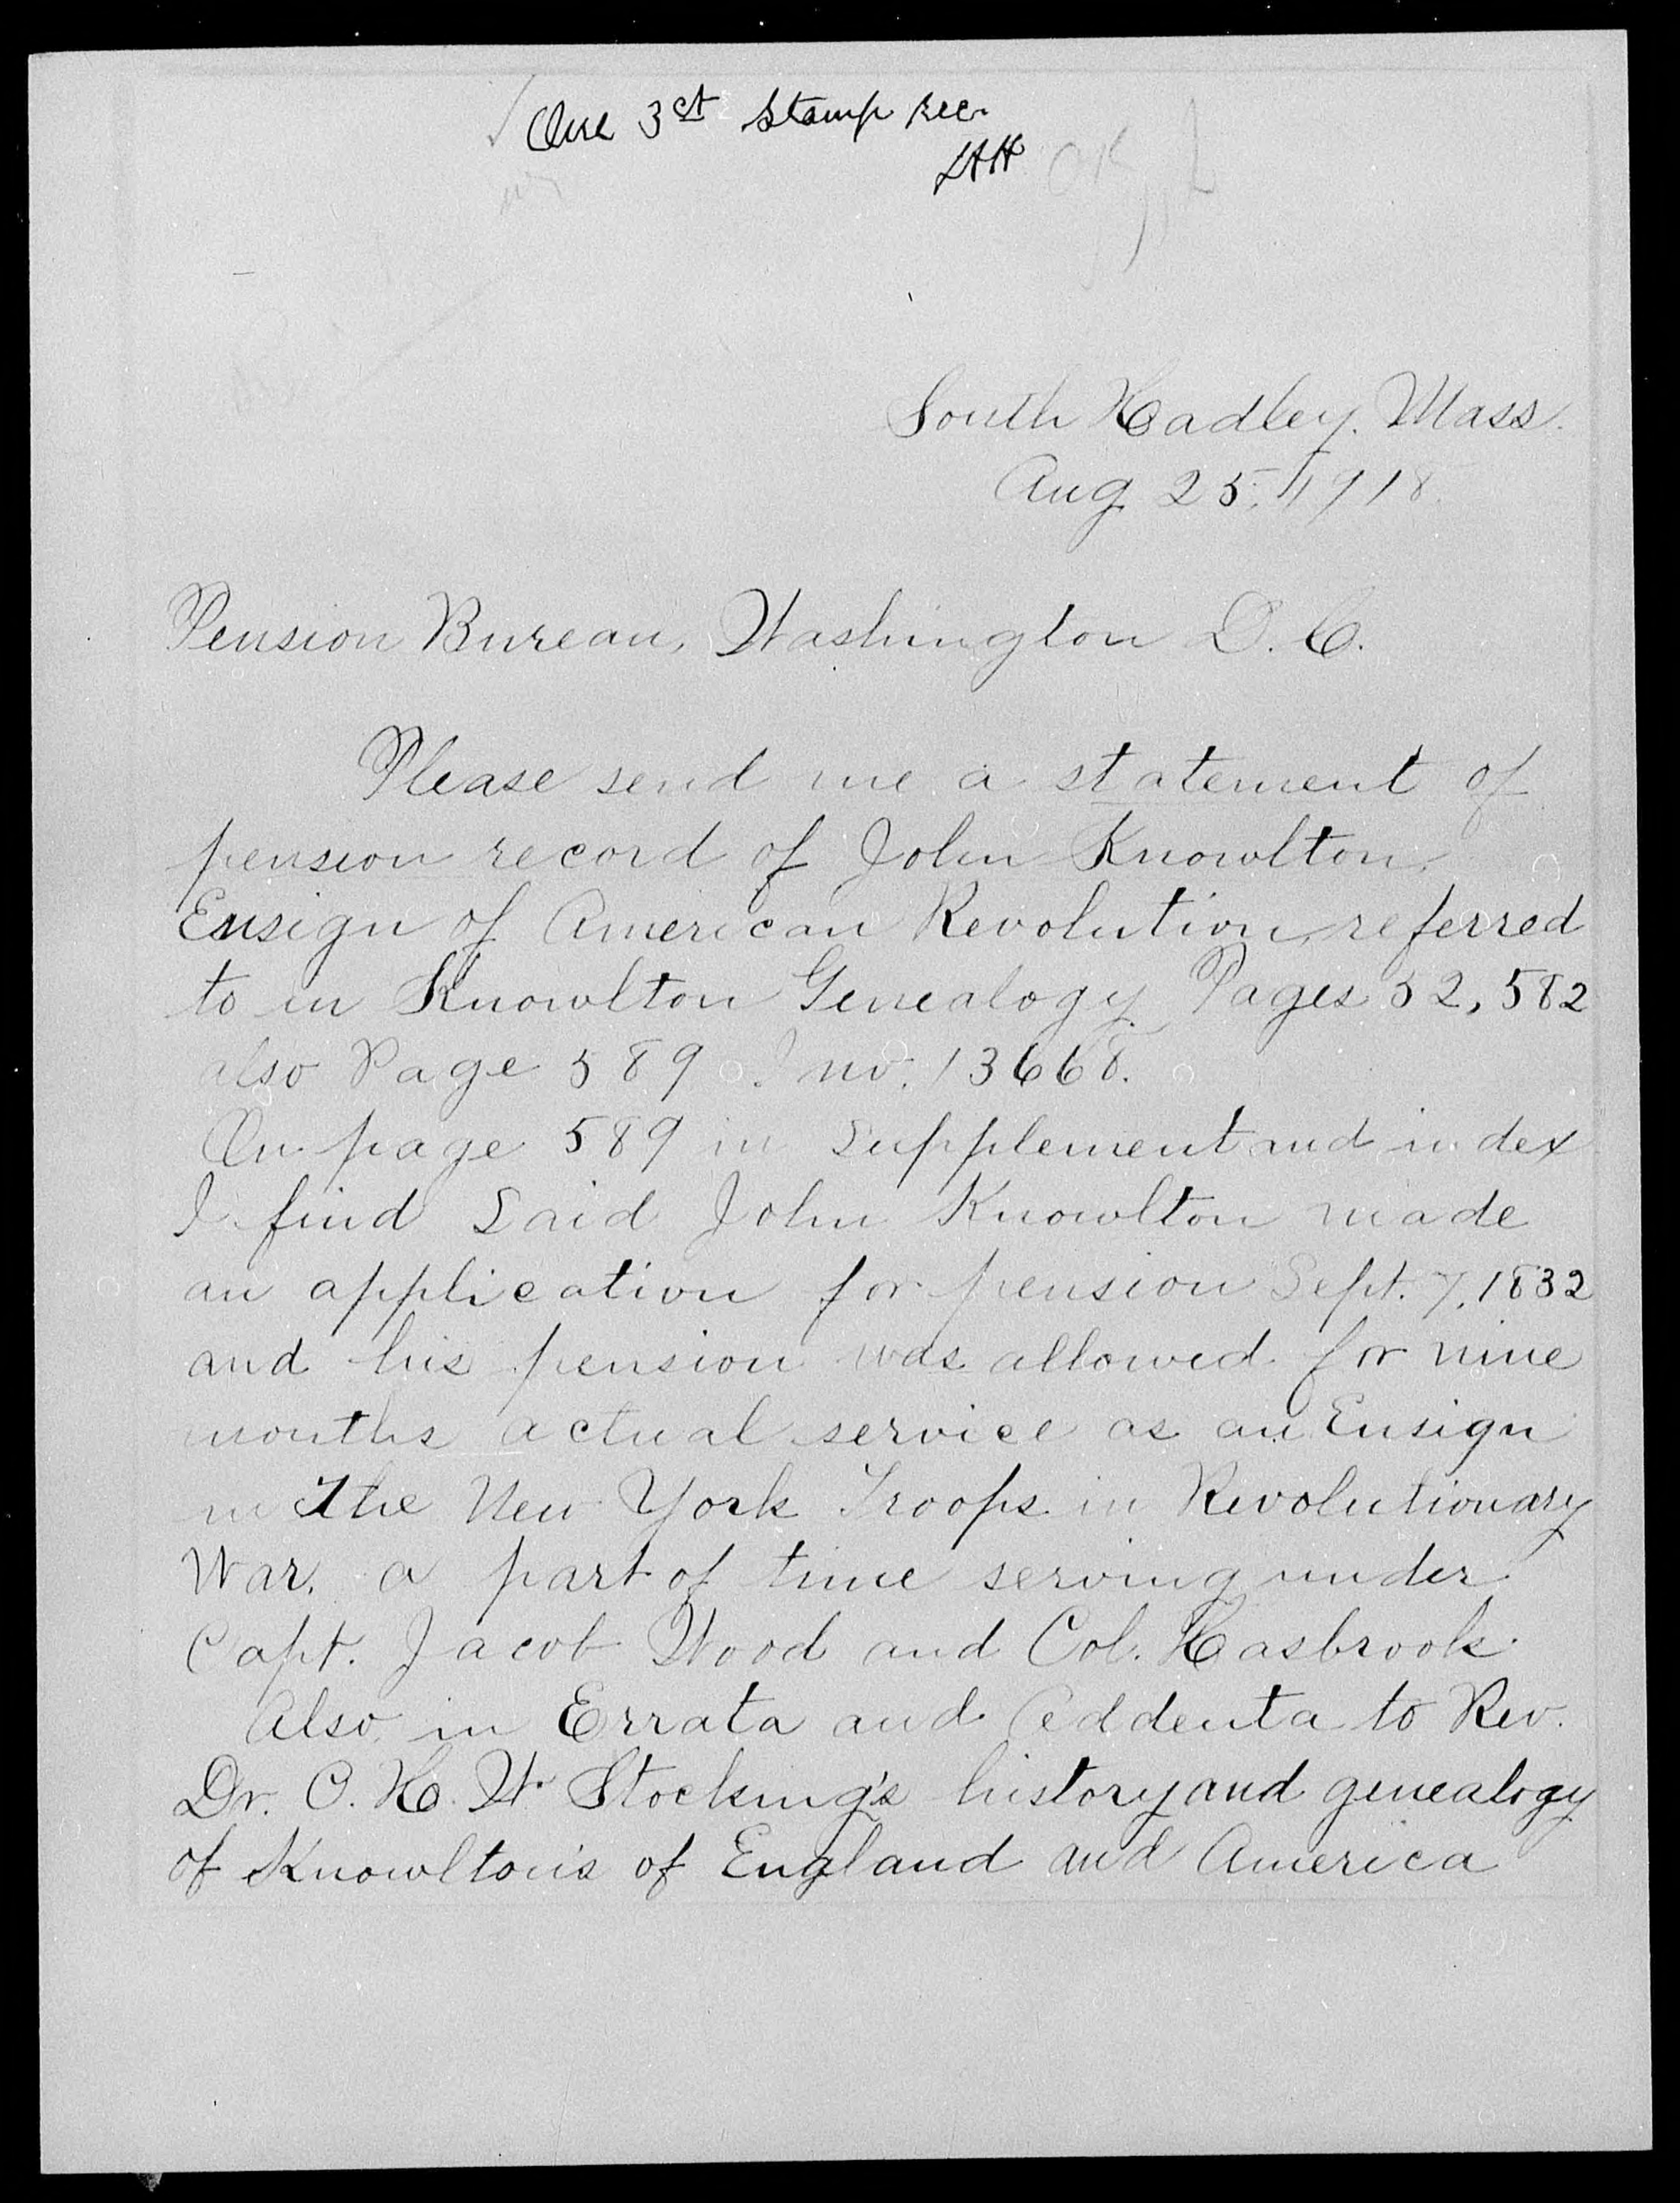South Hadley, Massachusetts 
August 25, 1918

Pension Bureau Washington D.C. 
Please send me a statement of pension record of John Knowlton Ensign of American Revolution referred to in Knowlton Genealogy Pages 32, 582 also Page 589 Inv 13668. 
On Page 589 in supplement and index I find said John Knowlton made an application for pension September 7, 1832 and his pension was allowed for nine months actual service as an Ensign in the New York Troops in Revolutionary War a part of time serving under Captain Jacob Wood and Colonel Hasbrook. Also in Errata and Adderta to Rev. Dr. O. H. W. Stocking’s history and genealogy of Knowlton’s of England and America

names: John Knowlton; [BLANK] Hasbrook; Jacob Wood; C H W Stocking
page: 20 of 25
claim: survivor's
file: S. 13668, for John Knowlton, New York